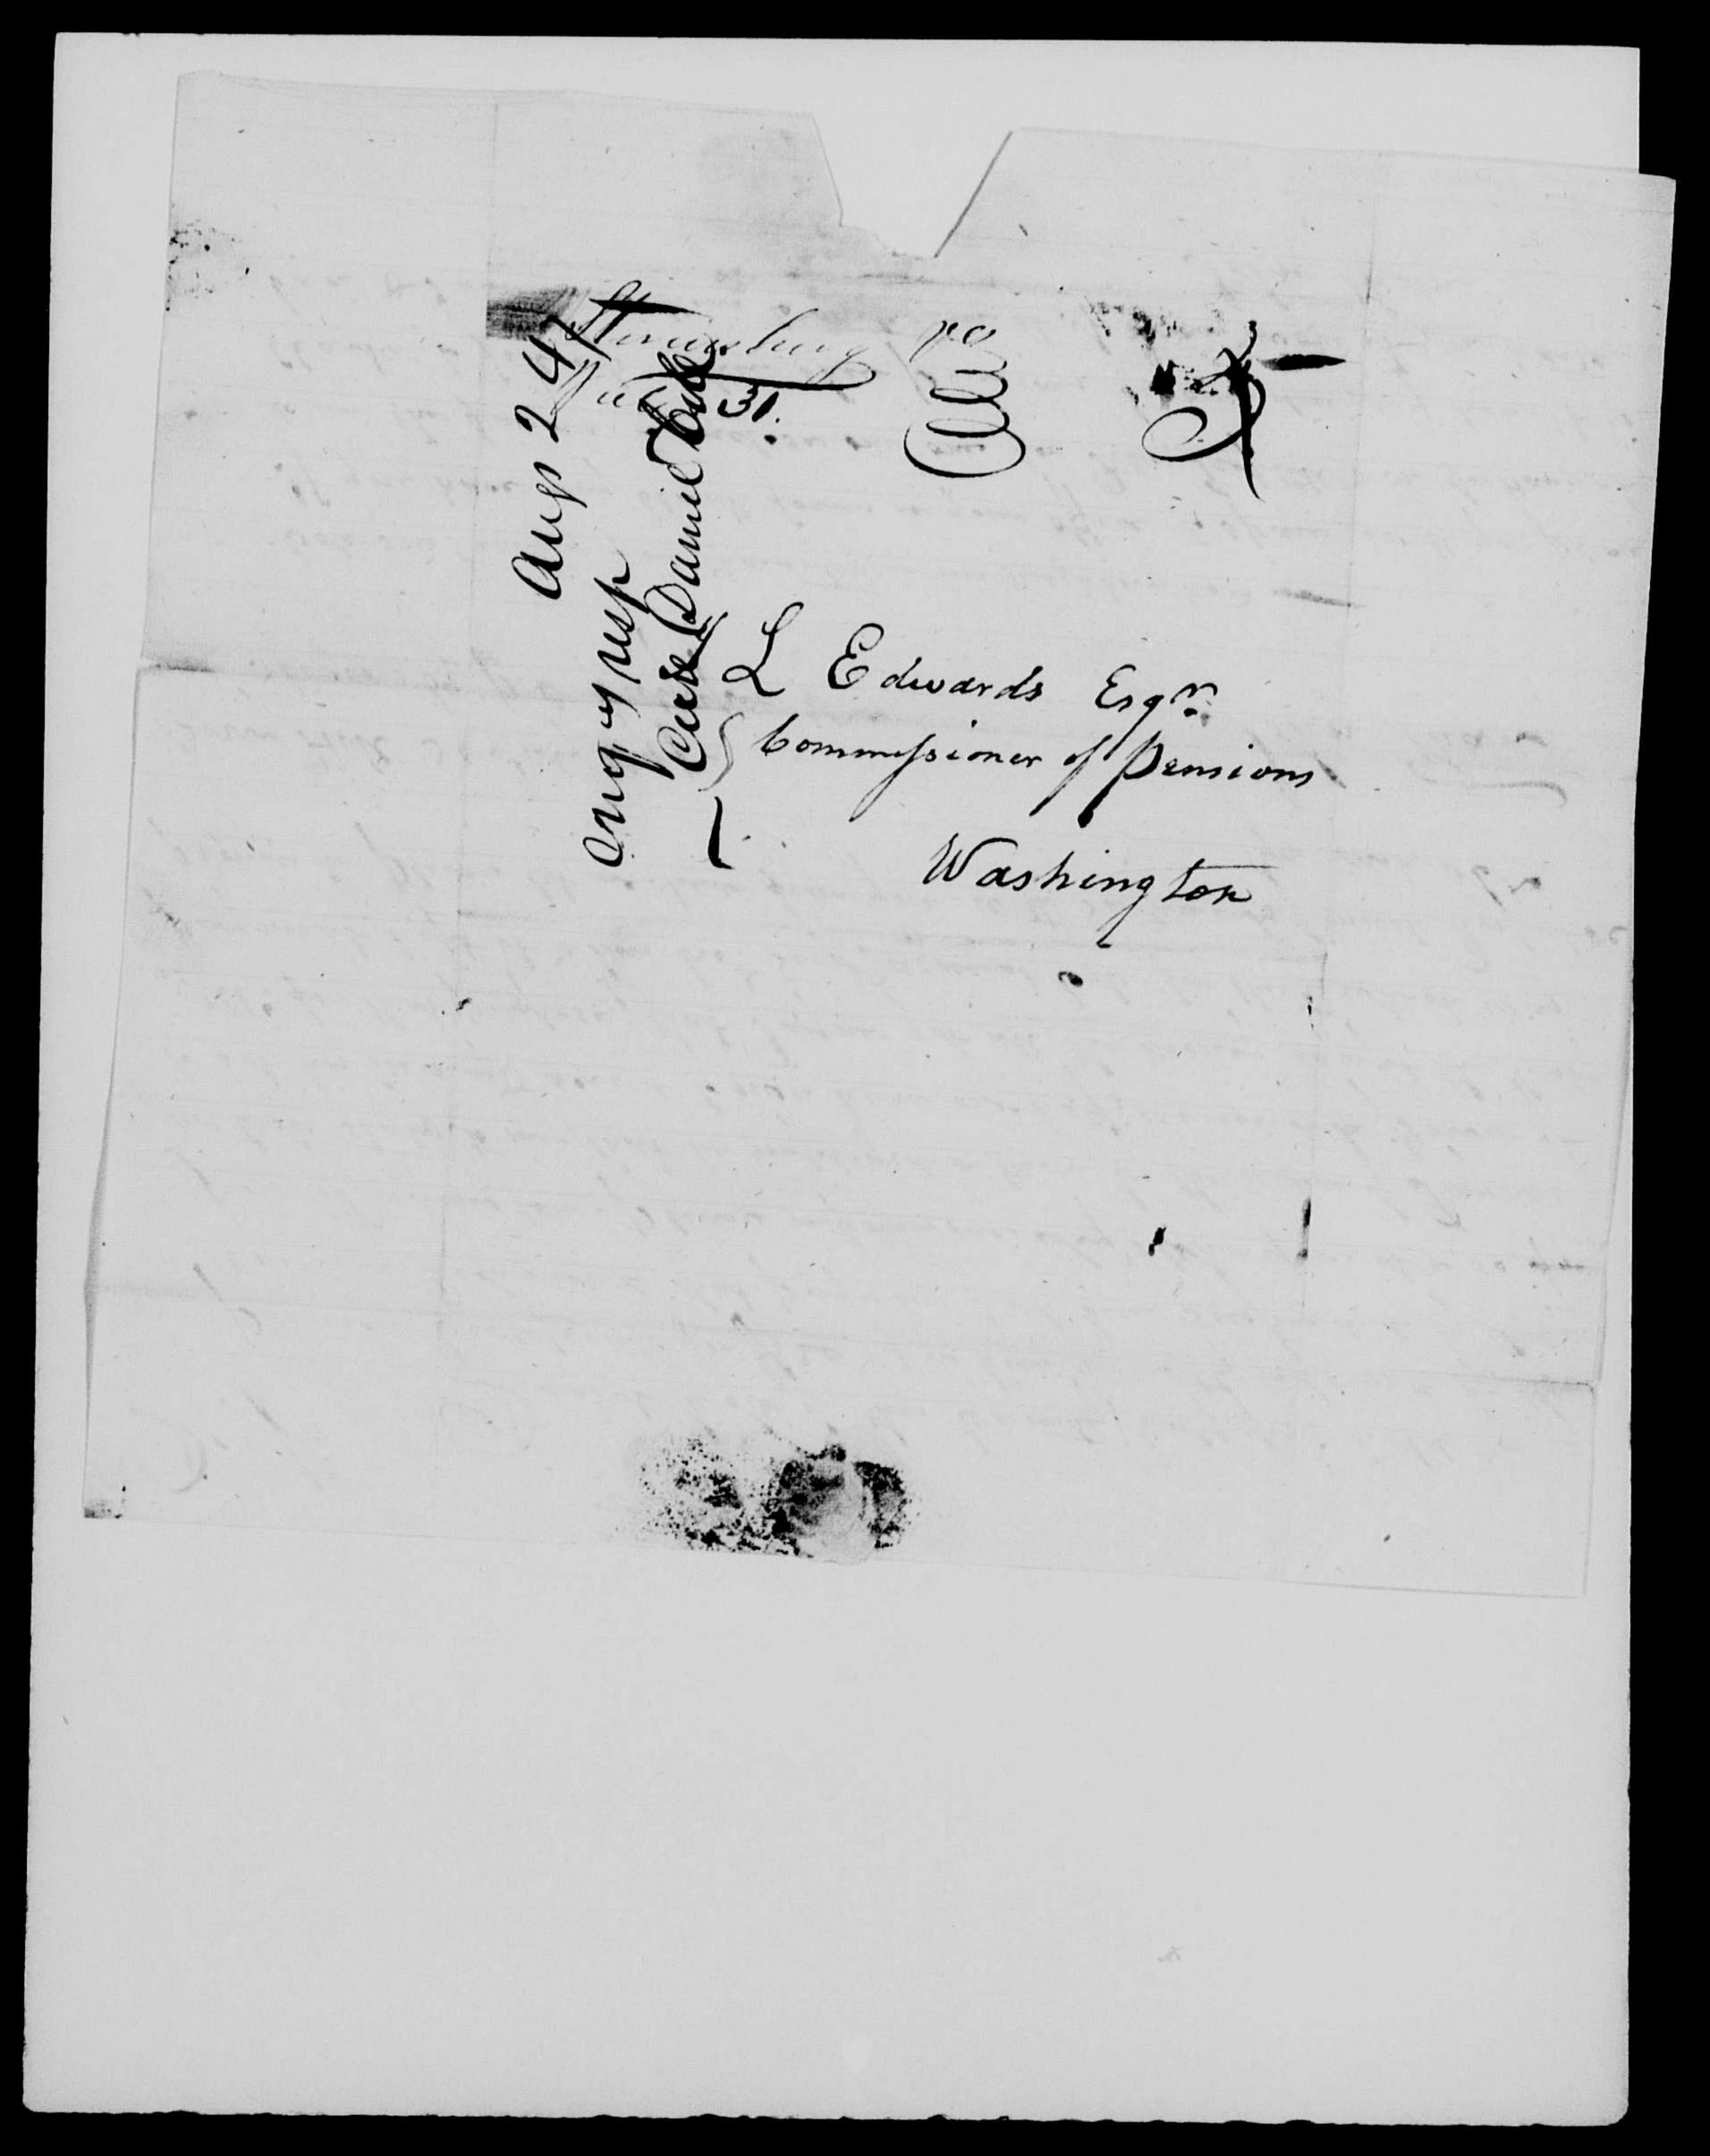Stevensburg Va
July 31 

J L Edwards Esqr
Commissioner of Pensions
Washington

Augs 24

Cert [Certificate] Daniel Cole
[illegible] [illegible] [illegible]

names: J L Edwards, Daniel Cole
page: 30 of 61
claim: survivor's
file: S. 8236, Daniel Cole, Va.